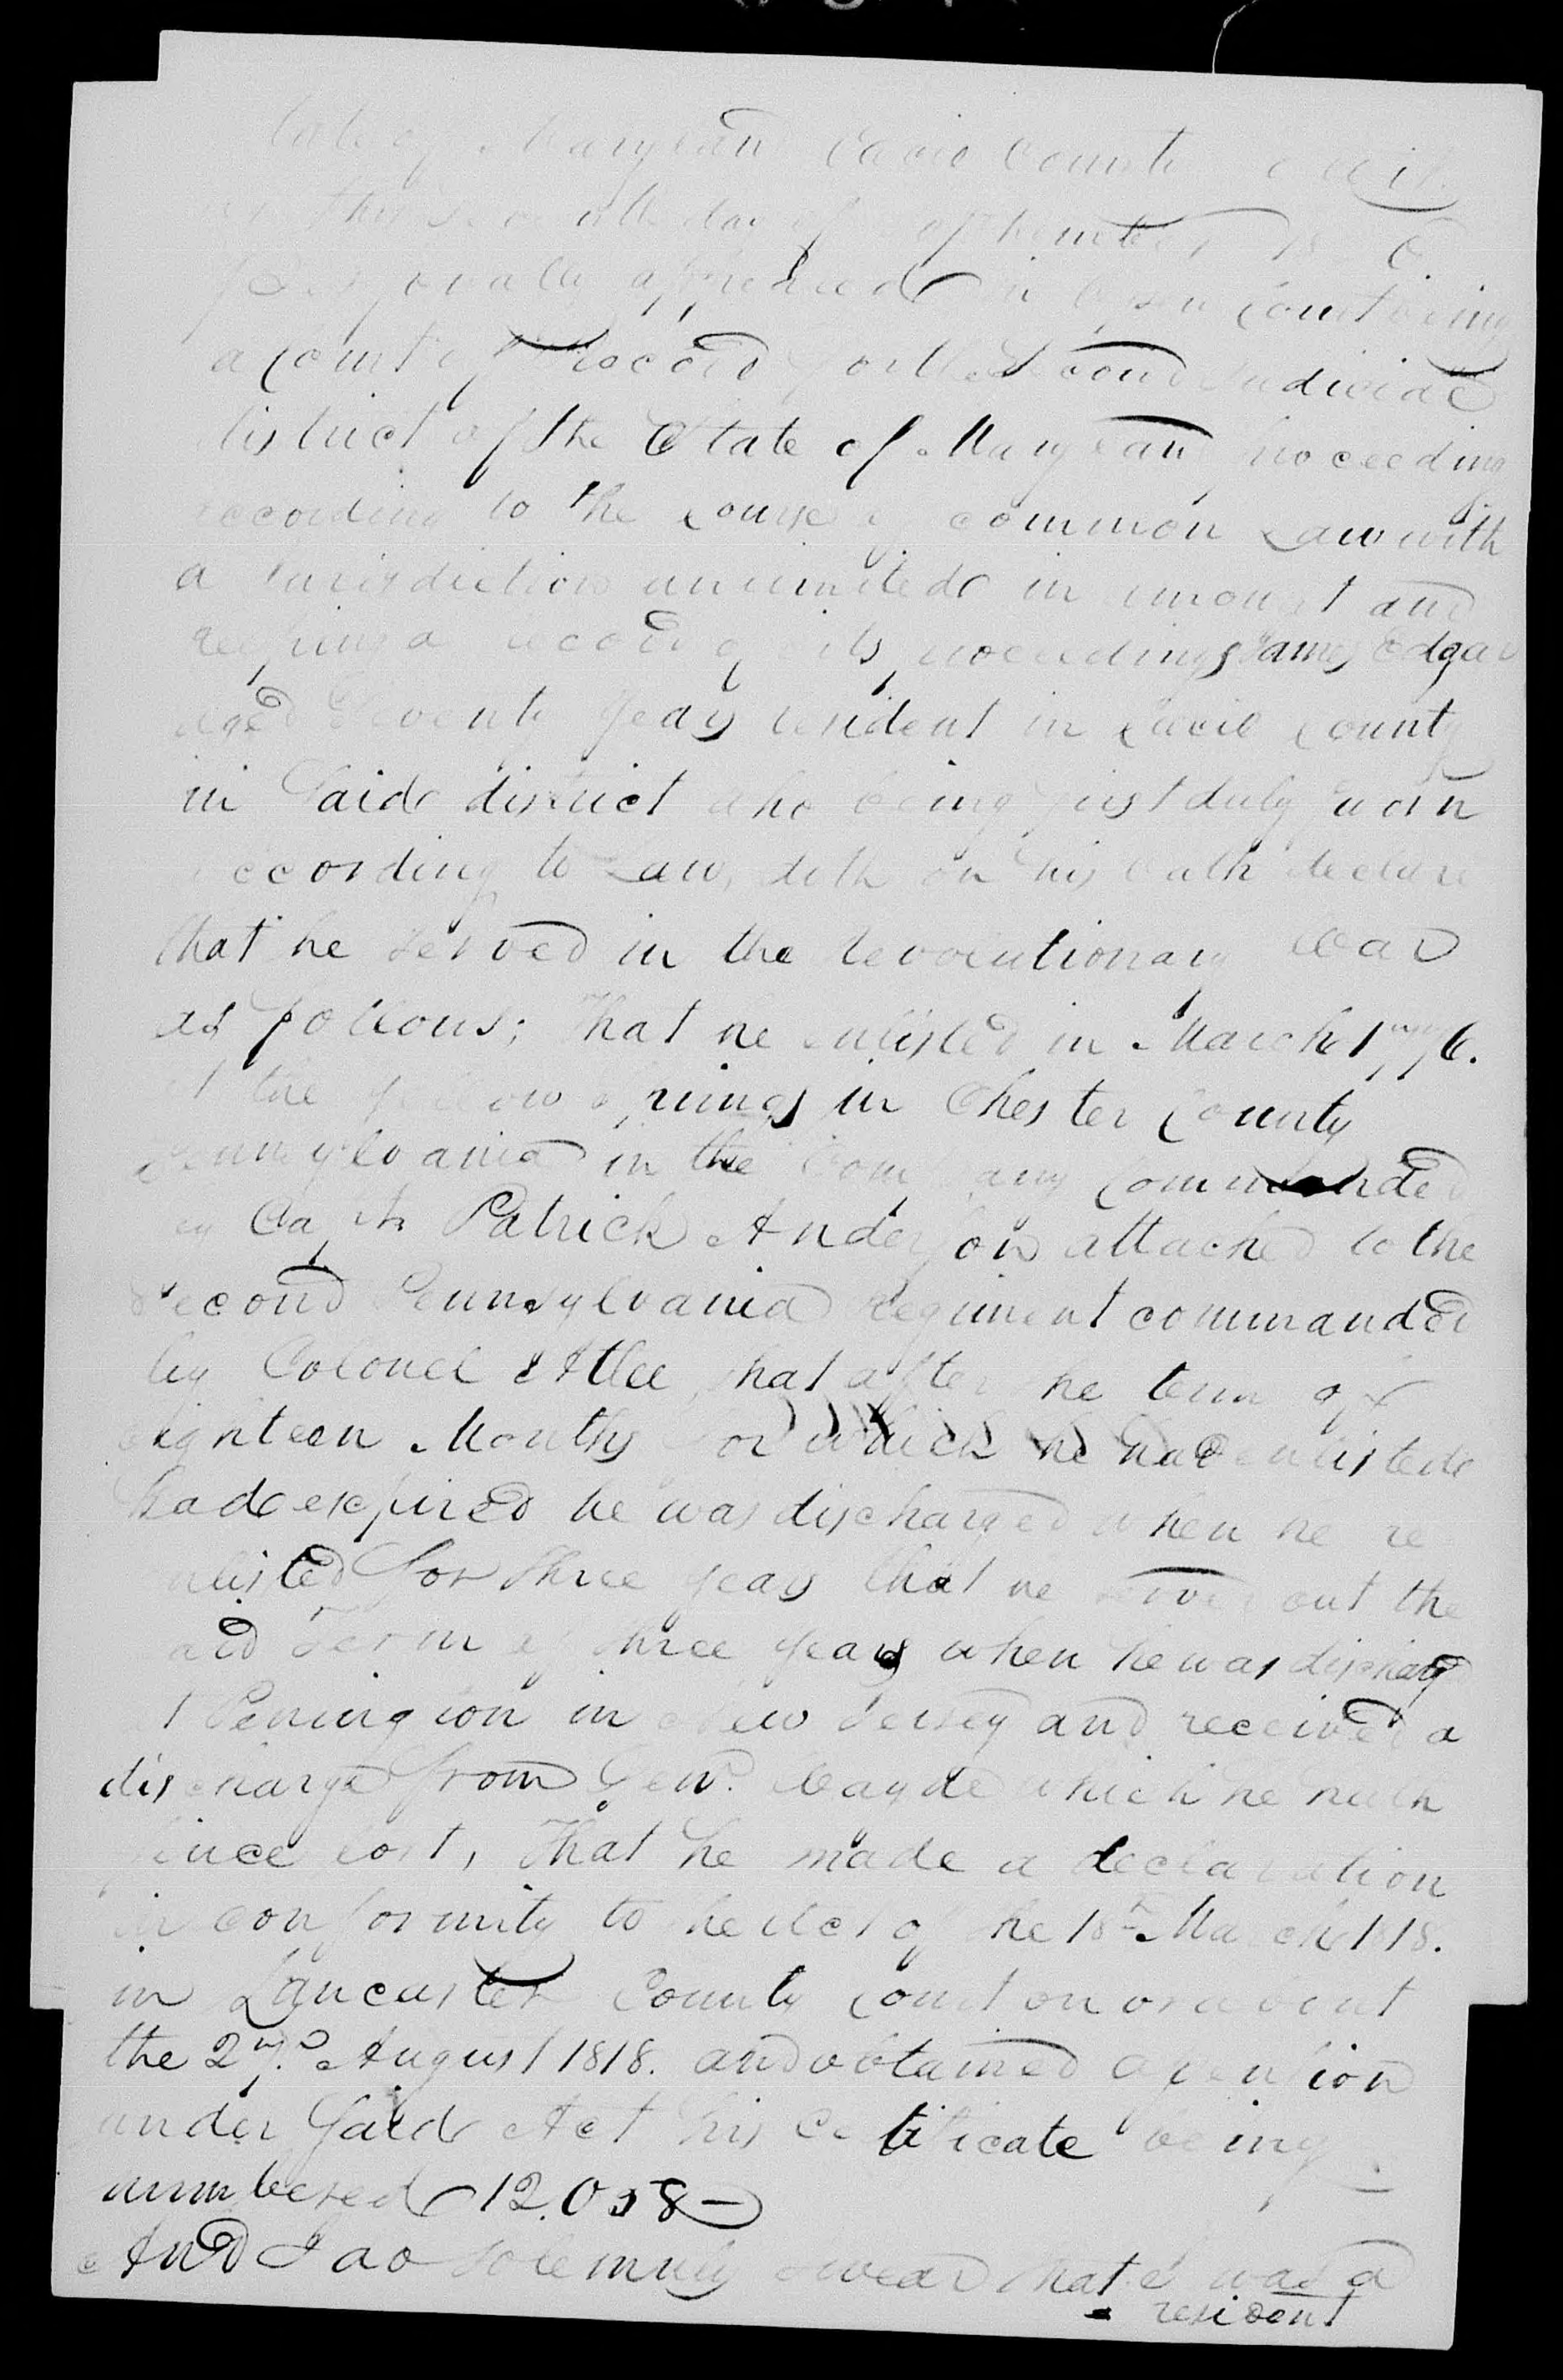State of Maryland Cecil County & city
[illeg.] ......... day of September 18[illeg.]
[illeg.] personnally appeared in open Court [illeg.] a court of [illeg.]...............[illeg.]
district of the State of Maryland proceeding
according to the Course of common law with 
a jurisdiction [illeg.] in amount and
[illleg.] according proceedings James Edgar aged seventy years resident in Cecil County in said district and being just duly sworn according to Law, doth on his oath declare that he served in the Revolutionary War as follows: That he enlisted in March 1776. In the following Spring in Chester county Pennsylvania in the company commanded by Capt. Patrick Anderson attached to the Second Pennsylvania Regiment commanded by Colonel Atlee, that after the term of eighteen months for which he had enlisted had expired he was discharged when he reenlisted for three years that he served out the said term of three years when he was discharged
[illeg.] in [illeg.]and received a discharge from G.W. Wayne which he hath since lost. That he made a declaration in conformity to the Act of the 18th March 1818 in Lancaster County Court on or about the 2nd August 1818, and obtained a pension under said Act his certificate being numbered 12.038
And I do solemly swear that I was a resident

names: Patrick Anderson, James Edgar, Atlee, Wayne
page: 9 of 74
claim: widow's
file: W. 9422, James Edgar, Penn.